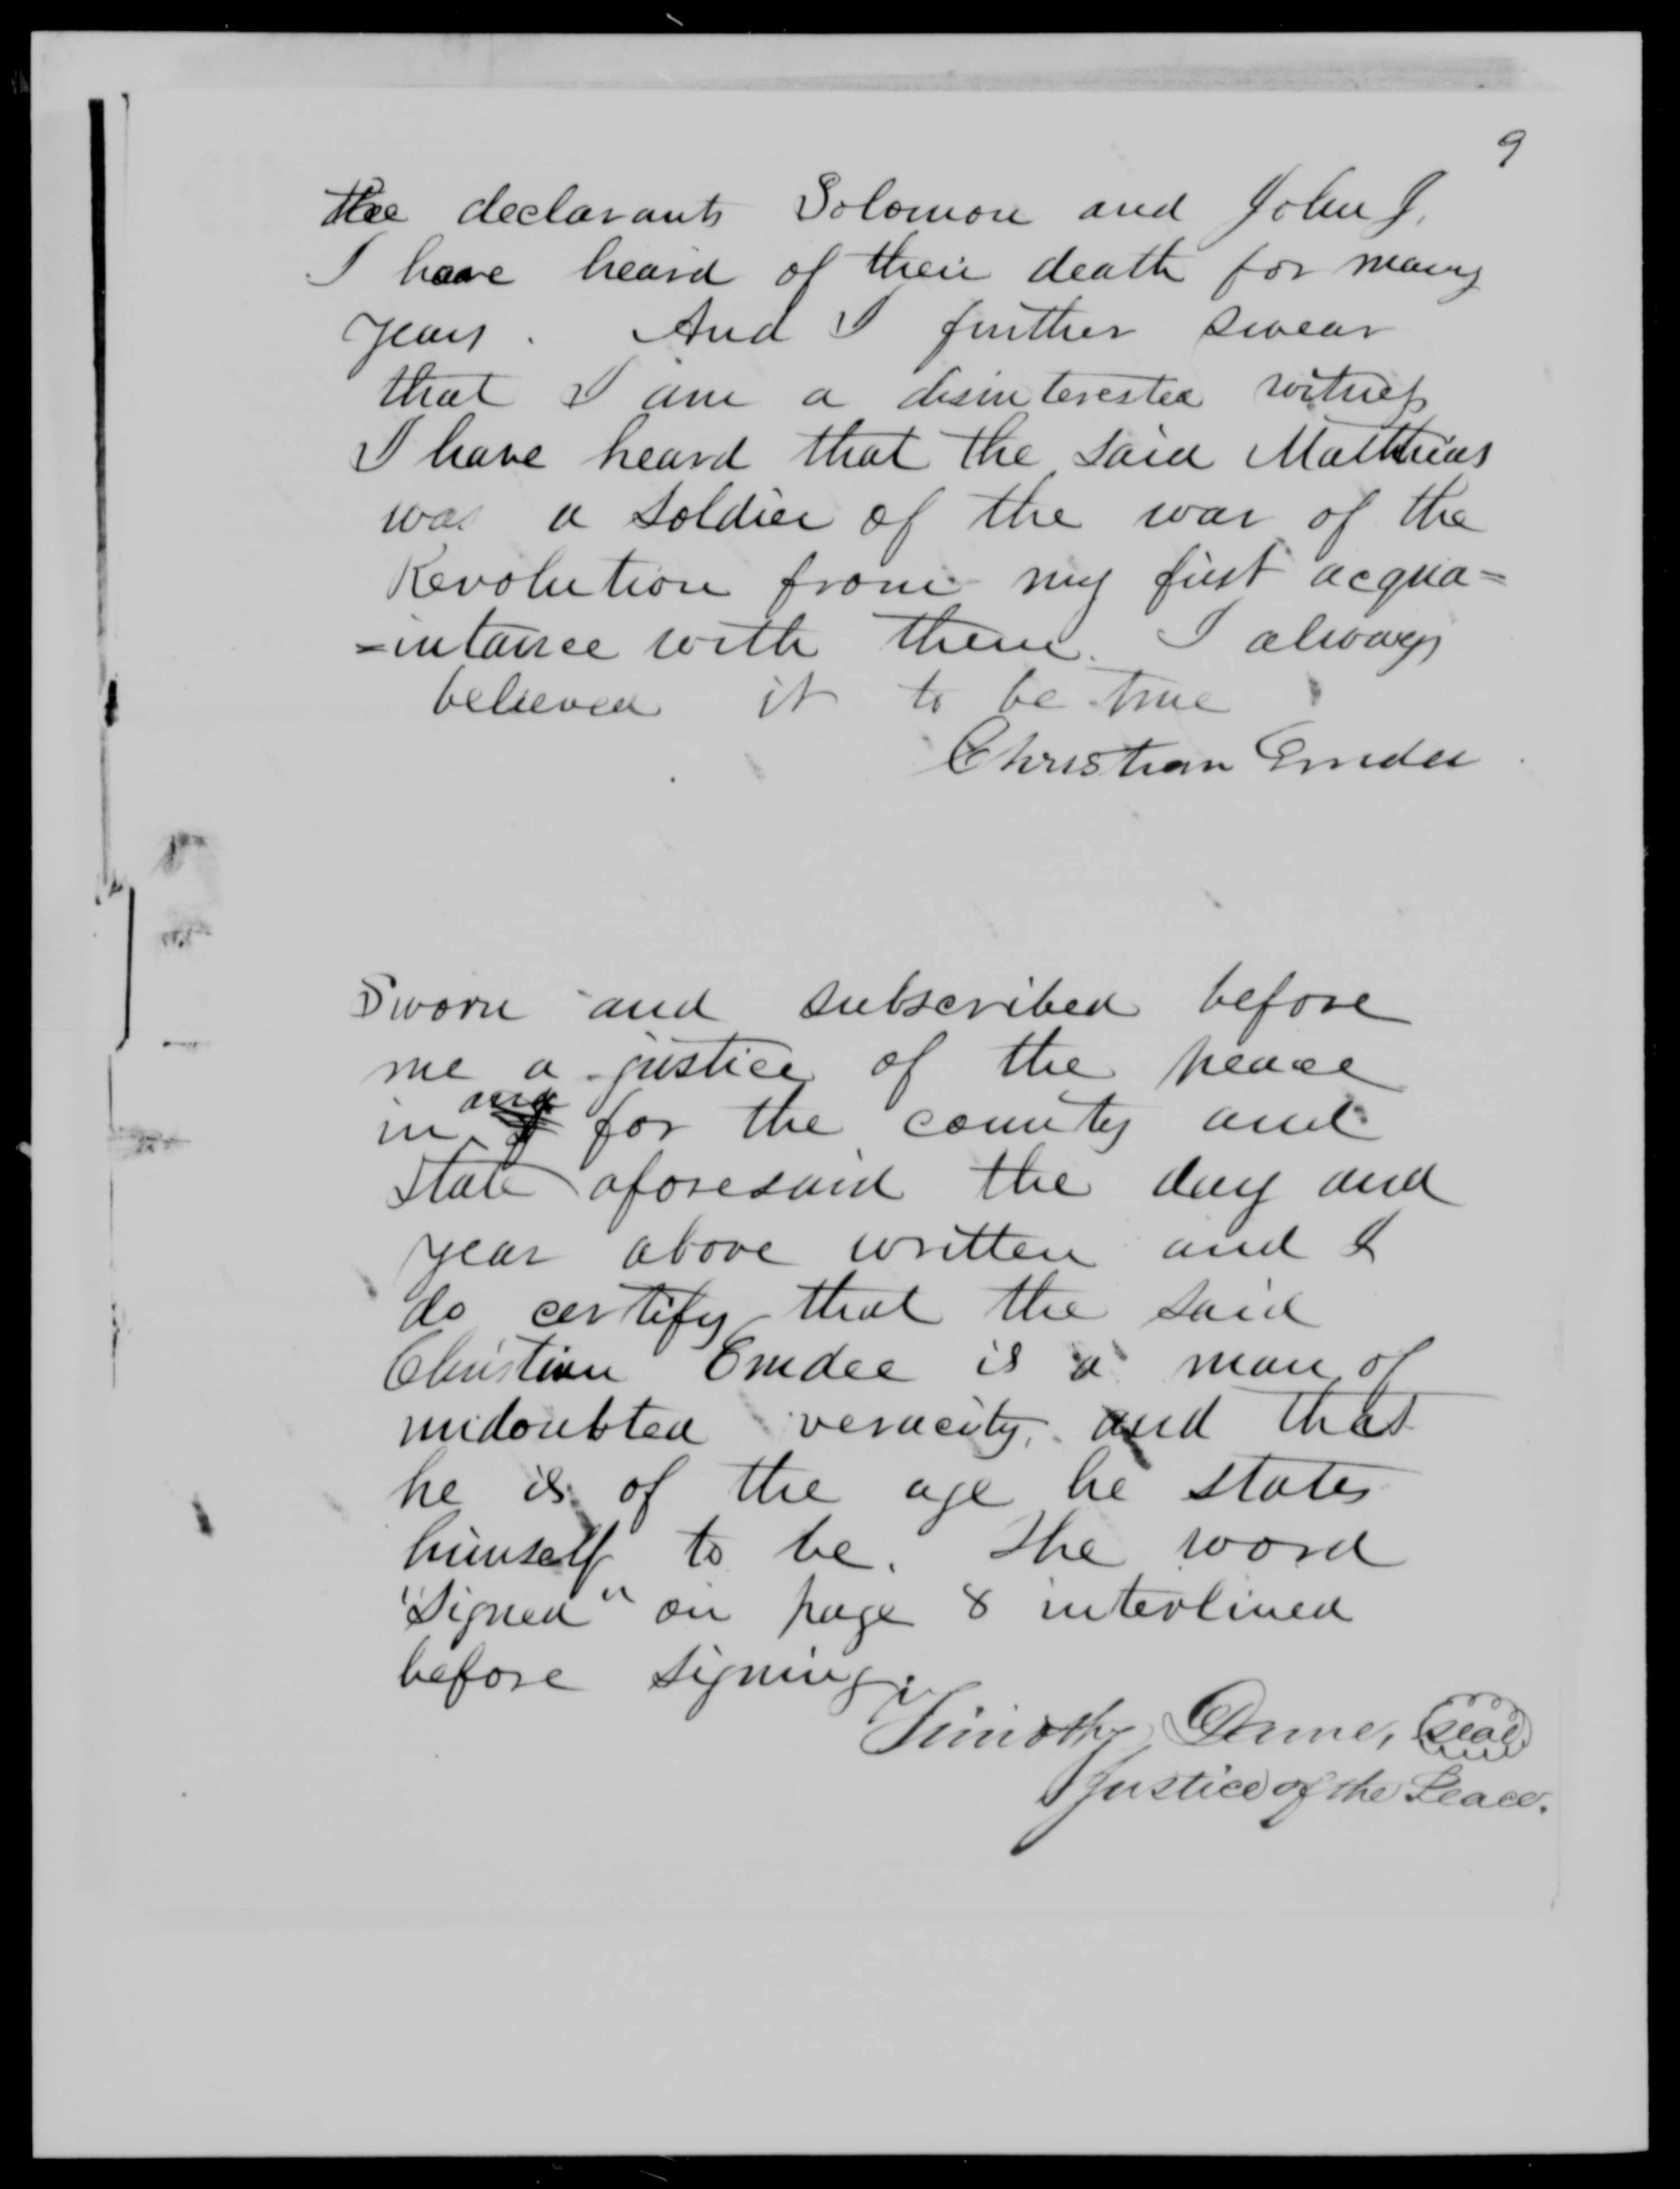9
the declarants Solomon and John J.
I have heard of their death for many
years.And I further swear
that I am a disinterested witness.
I have heard that the said Matthias
was a soldier of the war of the
Revolution from my first acquaintance
 with them. I always believed 
it to be true.
Christian Emdee

Sworn and subscribed before me a justice of the
peace for the County and State aforesaid the day and year above written and I do certify that the said
Christian Emdee is a man of undoubted veracity, and that he is of the age he states himself to be. The word “Signed” on page 8 interlined before signing. 
Timothy Dame {seal}
Justice of the Peace.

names: Matthias, Solomon, Timothy Dame, John J, Christian Emdee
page: 114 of 123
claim: rejected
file: R. 11,949, Matthias Young, Md.